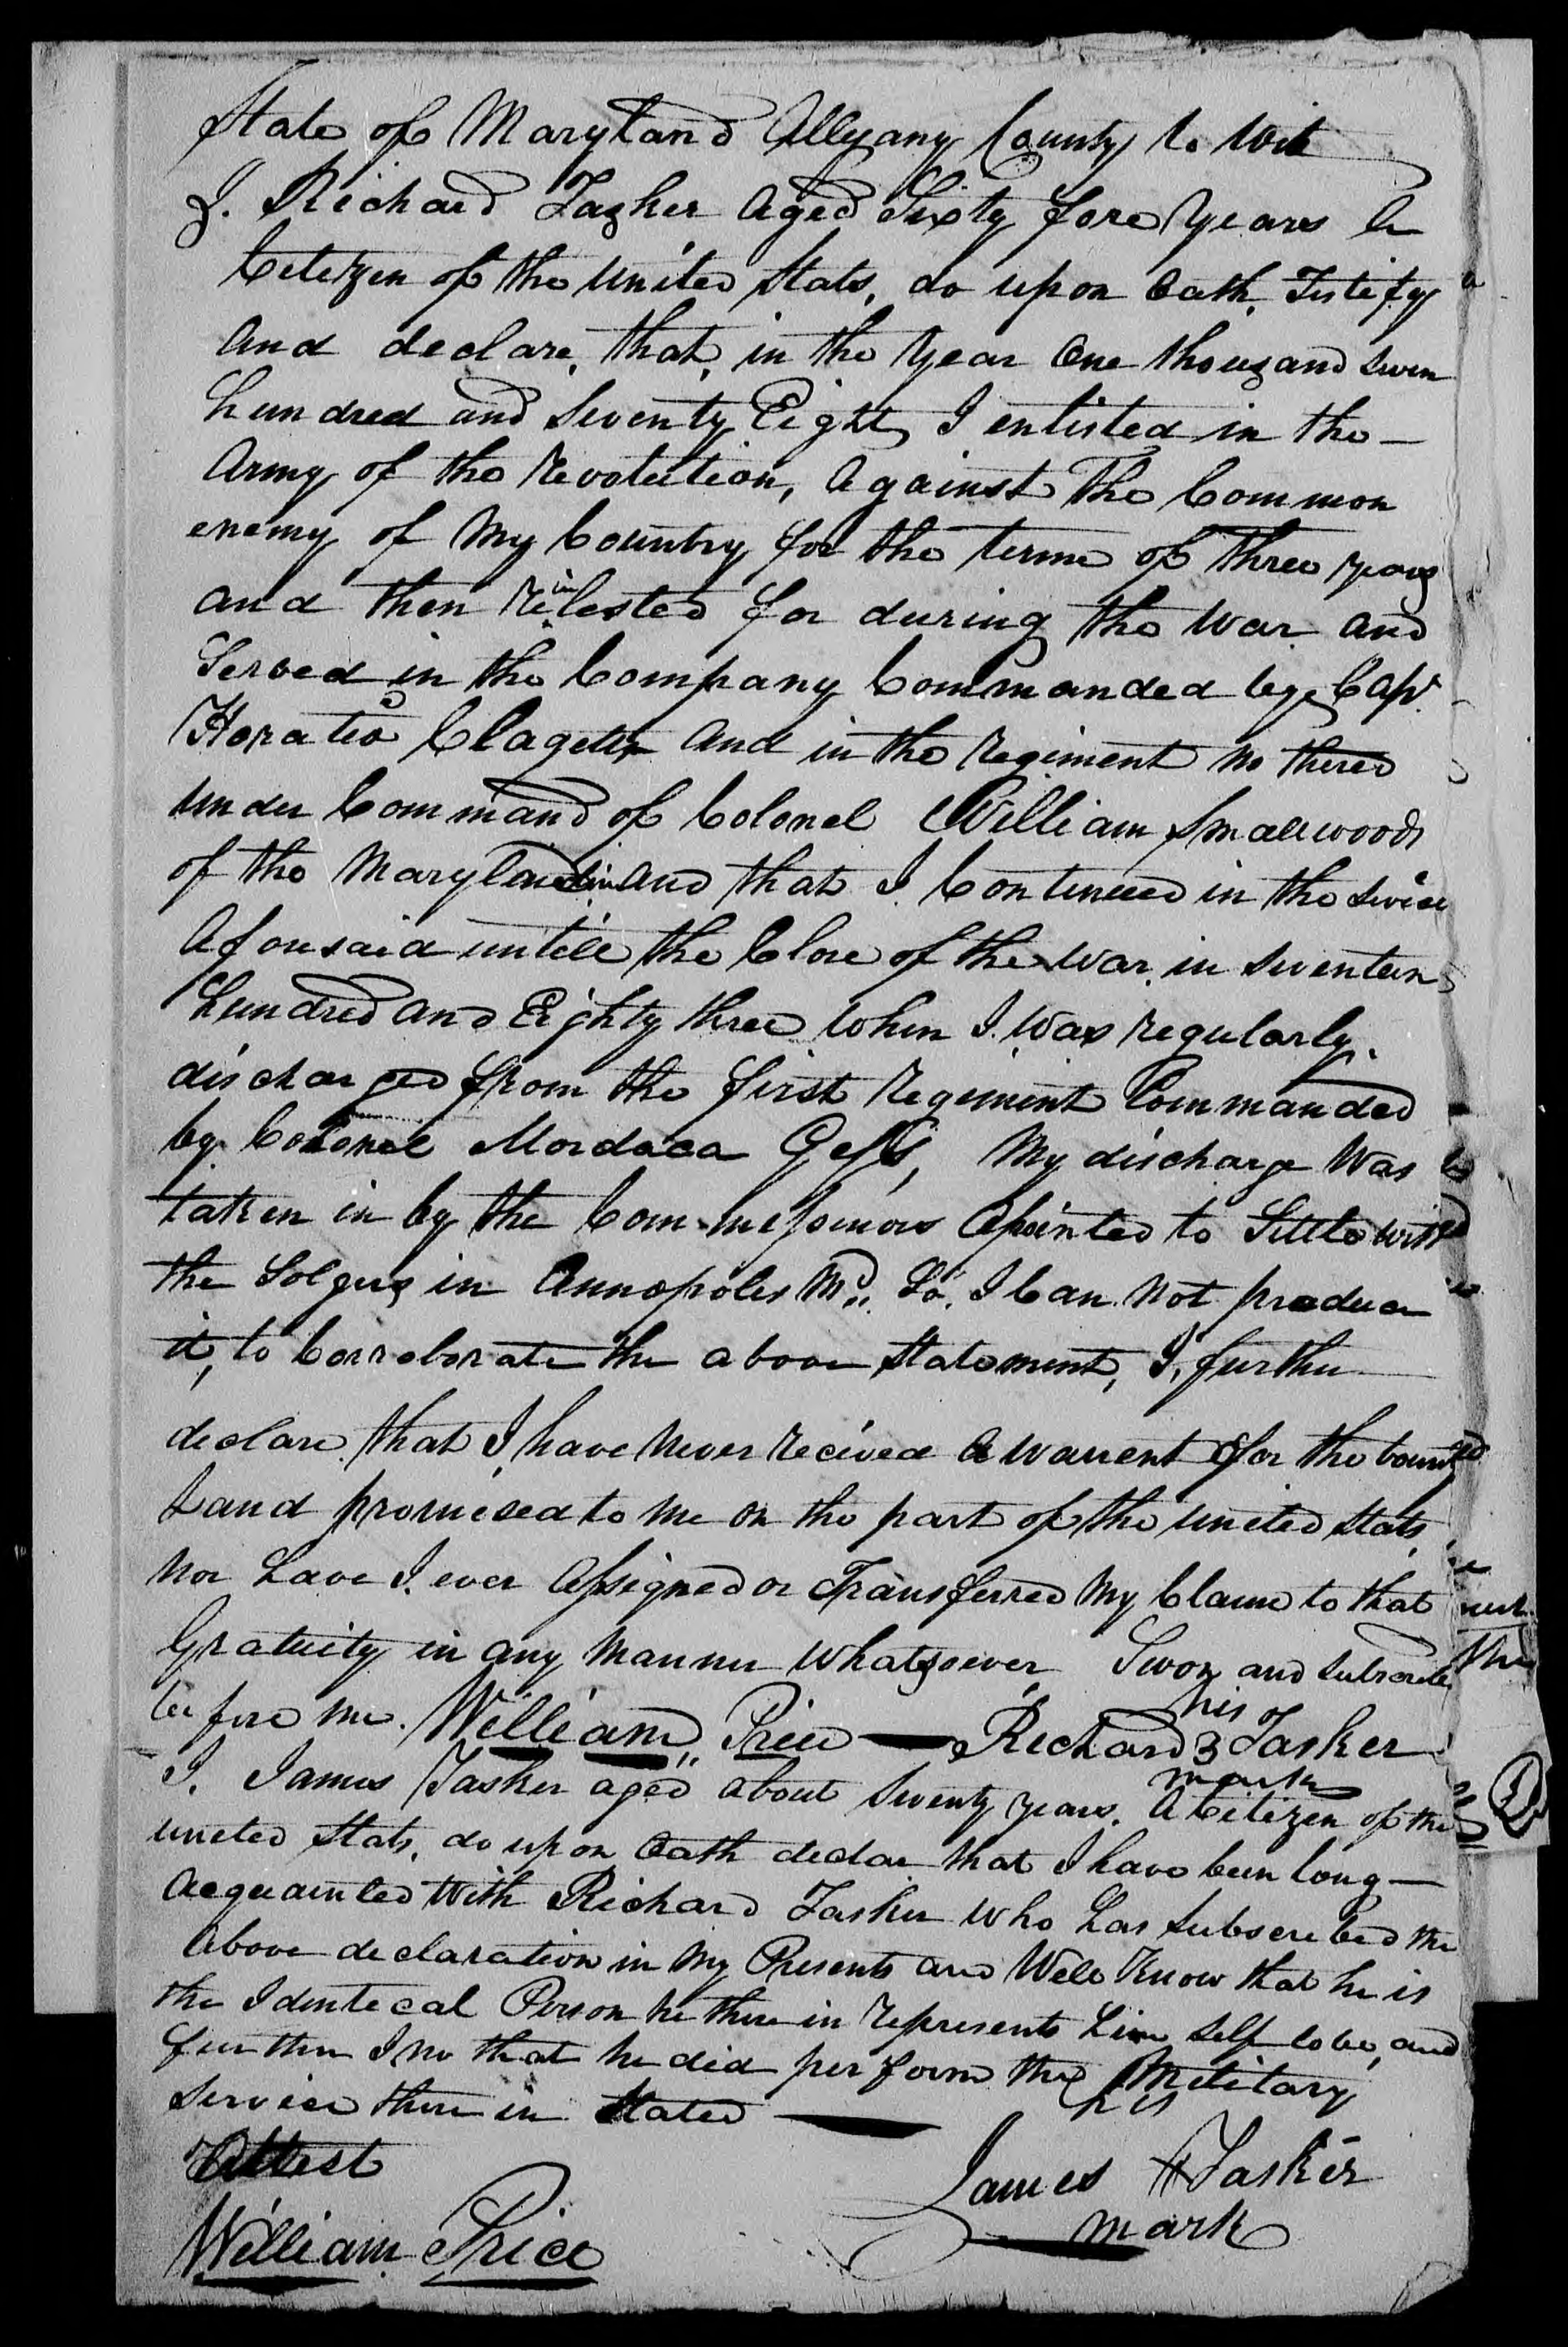State of Maryland Allegany County to Wit I, Richard Tasker Aged Sixty fore years A Citizen of the United States, do upon oath Testify and declare, that, in the year One thousand seven hundred and Seventy Eight I enlisted in the Army of the revolution, Against The Common enemy of My Country for the time of three years and then reinlisted for during the war and Served in the Company Commanded by Capt. Horatio Clagett and in the regiment no there under Command of Colonel William Smallwood of the Maryland Line and that I Continued in the division Aforesaid untill the Close of the war in  Seventeen hundred and Eighty three when I was regularly discharged from the first regiment Commanded by Colonel Mordaca Gest, My discharge was taken in by the ---------- Appointed to Little (illegible word) the Solgers in Annapolis Md. So, I Can not produce it, to Corraborate the above Statement, I, further declare that I have never received a warrent for the bounty Land promised to me or the part of the United States nor have I ever assigned or Transferred my Claime to that Gratuity in any manner whatsoever. Sworn and Subscribed before Mr. William Price---Richard Tasker   3  his mark
I, James Tasker aged about Seventy years, A Citizen of the United States, do upon Oath declare  that I have been long--acquainted with Richard Tasker who has Subscribed the above declaration in my Presents and Well know that he is the Identecal Person he therein represents him self to be, and further I no that he did perform the Military Service there in stated-- James Tasker  X his mark
William Price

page: 5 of 25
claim: survivor's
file: S. 35093, for Richard R Tasker, Maryland